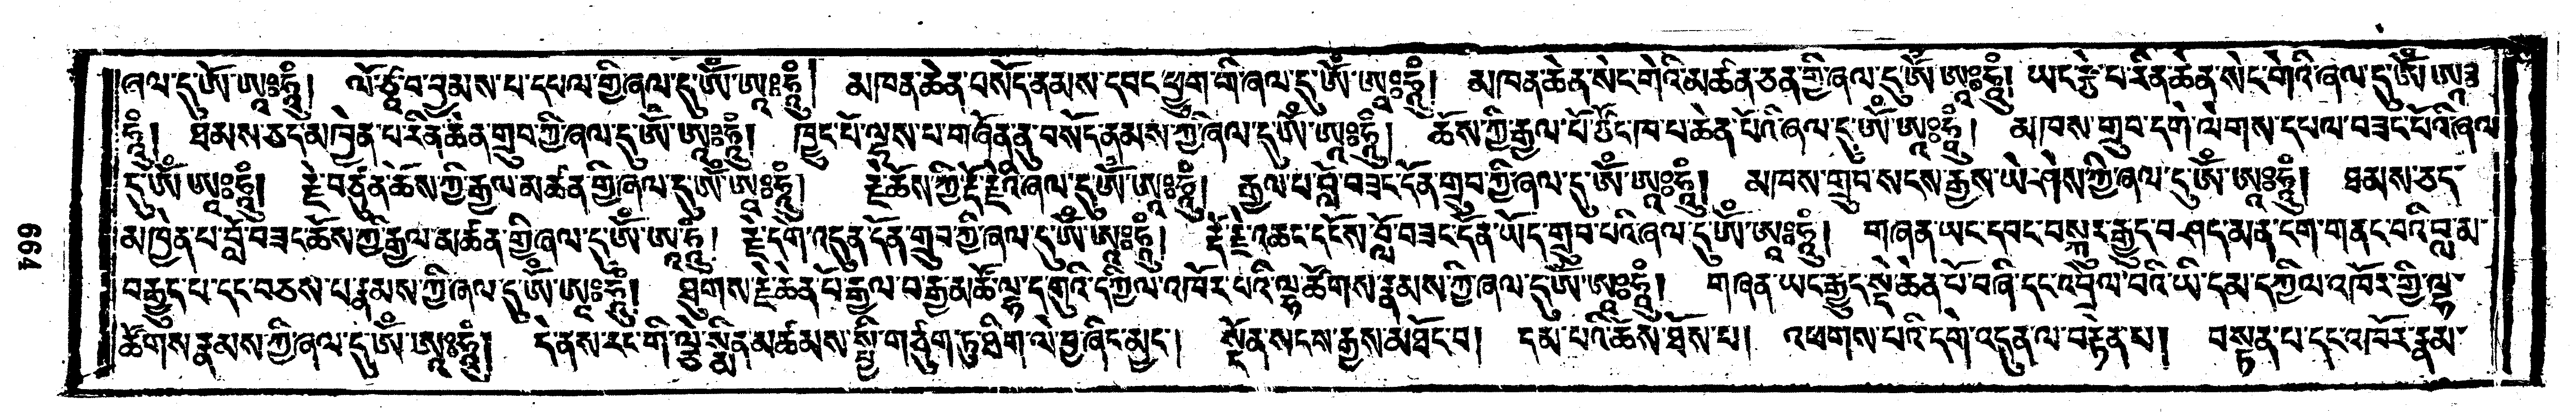ཞལ་དུ་ཨོ་ཨཱཿཧཱུཾ། ལོ་ཙཱ་བ་བྱམས་པ་དཔལ་གྱི་ཞལ་དུ་ཨོཾ་ཨཱཿཧཱུཾ། མཁན་ཆེན་བསོད་ནམས་དབང་ཕྱུག་གི་ཞལ་དུ་ཨོཾ་ཨཱཿཧཱུཾ། མཁན་ཆེན་སེང་གེའི་མཚན་ཅན་གྱི་ཞལ་དུ་ཨོཾ་ཨཱཿཧཱུཾ། ཡང་རྩེ་པ་རིན་ཆེན་སེང་གེའི་ཞལ་དུ་ཨོཾ་ཨཱཿ
ཧཱུཾ། ཐམས་ཅད་མཁྱེན་པ་རིན་ཆེན་གྲུབ་ཀྱི་ཞལ་དུ་ཨོཾ་ཨཱཿཧཱུཾ། ཁྱུང་པོ་ལྷས་པ་གཞོན་ནུ་བསོད་ནམས་ཀྱི་ཞལ་དུ་ཨོཾ་ཨཱཿཧཱུཾ། ཆོས་ཀྱི་རྒྱལ་པོ་ཙོང་ཁ་པ་ཆེན་པོའི་ཞལ་དུ་ཨོཾ་ཨཱཿཧཱུཾ། མཁས་གྲུབ་དགེ་ལེགས་དཔལ་བཟང་པོའི་ཞལ་
དུ་ཨོཾ་ཨཱཿཧཱུཾ། རྗེ་བཙུན་ཆོས་ཀྱི་རྒྱལ་མཚན་གྱི་ཞལ་དུ་ཨོཾ་ཨཱཿཧཱུཾ། རྗེ་ཆོས་ཀྱི་རྡོ་རྗེའི་ཞལ་དུ་ཨོཾ་ཨཱཿཧཱུཾ། རྒྱལ་པ་བློ་བཟང་དོན་གྲུབ་ཀྱི་ཞལ་དུ་ཨོཾ་ཨཱཿཧཱུཾ། མཁས་གྲུབ་སངས་རྒྱས་ཡེ་ཤེས་ཀྱི་ཞལ་དུ་ཨོཾ་ཨཱཿཧཱུཾ། ཐམས་ཅད་
མཁྱེན་པ་བློ་བཟང་ཆོས་ཀྱི་རྒྱལ་མཚན་གྱི་ཞལ་དུ་ཨོཾ་ཨཱ་ཧཱུཾ། རྗེ་དགེ་འདུན་དོན་གྲུབ་ཀྱི་ཞལ་དུ་ཨོཾ་ཨཱཿཧཱུཾ། རྡོ་རྗེ་འཆང་དངོས་བློ་བཟང་དོན་ཡོད་གྲུབ་པའི་ཞལ་དུ་ཨོཾ་ཨཱཿཧཱུཾ། གཞན་ཡང་དབང་བསྐུར་རྒྱུད་བཤད་མན་ངག་གནང་བའི་བླ་མ་
བརྒྱུད་པ་དང་བཅས་པ་རྣམས་ཀྱི་ཞལ་དུ་ཨོཾ་ཨཱཿཧཱུཾ། ཐུགས་རྗེ་ཆེན་པོ་རྒྱལ་བ་རྒྱ་མཚོ་ལྷ་དགུའི་དཀྱིལ་འཁོར་པའི་ལྷ་ཚོགས་རྣམས་ཀྱི་ཞལ་དུ་ཨོཾ་ཨཱཿཧཱུཾ། གཞན་ཡང་རྒྱུད་སྡེ་ཆེན་པོ་བཞི་དང་འབྲེལ་བའི་ཡི་དམ་དཀྱིལ་འཁོར་གྱི་ལྷ་
ཚོགས་རྣམས་ཀྱི་ཞལ་དུ་ཨོཾ་ཨཱཿཧཱུཾ། དེ་ནས་རང་གི་ལྕེ་སྨིན་མཚམས་སྤྱི་གཙུག་ཏུ་ཐིག་ལེ་བྱ་ཞིང་མྱང་། སྔོན་སངས་རྒྱས་མཐོང་བ། དམ་པའི་ཆོས་ཐོས་པ། འཕགས་པའི་དགེ་འདུན་ལ་བརྟེན་པ། བསྟན་པ་དང་འཁོར་རྣམ་